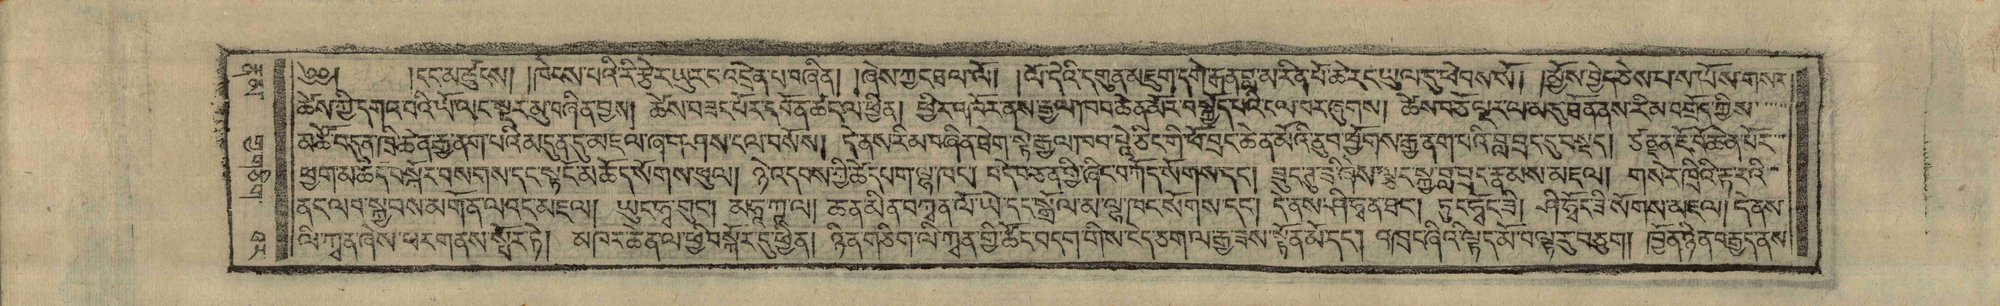༄༅། །དང་མཚུངས། །ཁེངས་པའི་རི་རྩེར་ཡུར་ང་འདྲེན་པ་བཞིན། །ཞེས་ཀྱང་ཐལ་ལོ། །ལོ་དེའི་དགུན་མཇུག་དགེ་རྒན་བླ་མ་རིན་པོ་ཆེ་རང་ཡུལ་དུ་ཕེབས་སོ། །མྱོས་བྱེད་ཅེས་པ་ས་ཡོས་གསར་
ཚེས་ཀྱི་དགའ་བའི་ཡོ་ལང་སྔར་མུ་བཞིན་བྱས། ཚེས་བཟང་པོར་དཔོན་ཚང་ལ་ཕྱིན། ཕྱིར་འཁོར་ནས་རྒྱལ་ཁབ་ཆེན་མོར་བསྐྱོད་པའི་ངལ་བར་ཞུགས། ཚེས་བཅོ་ལྔར་ལམ་དུ་ཐོན་ནས་རིམ་བགྲོད་ཀྱིས་
མཚོ་བདུན་ཁྲི་ཆེན་རྒྱ་ནག་པའི་མདུན་དུ་མཇལ་ཞག་ཤས་ངལ་བསོས། དེ་ནས་རིམ་བཞིན་ཐེག་སྟེ་རྒྱལ་ཁབ་པE་ཅིང་གི་ཕོ་བྲང་ཆེན་མོའི་ནུབ་ཕྱོགས་རྒྱ་ནག་པའི་བླ་བྲང་དུ་བསྡད། ཙནྡན་ཇོ་བོ་ཆེན་པོར་
ཕྱག་མཆོད་བསྐོར་བསགས་དང་སྟོང་མཆོད་སོགས་ཕུལ། ཉེ་འདབས་ཀྱི་ཚེ་དཔག་ལྷ་ཁང་། བདེ་བ་ཅན་གྱི་ཞིང་བཀོད་སོགས་དང་། ཟུང་ཊུ་ཟི་ཞེས་ལྕང་སྐྱ་བླ་བྲང་རྣམས་མཇལ། གསེར་ཁྲིའི་རྟ་རའི་
ནང་ལབ་སྐྱབས་མགོན་ལའང་མཇལ། ཡུང་ཧྭ་གུང་། མཧཱ་ཀཱ་ལ། ཆན་མིན་བཀྭན་ལོ་ཡེ་དང་སྒྲོལ་མ་ལྷ་ཁང་སོགས་དང་། དེ་ནས་ཤི་ཧྭན་ཐང་། ཏུང་ཧྭོང་ཟི། ཤི་ཧྭོང་ཟི་སོགས་མཇལ། དེ་ནས་
ལི་ཀྭན་ཞེས་པར་གནས་སྤོར་ཏེ། མཁར་ཆེན་ལ་ཕྱི་བསྐོར་དུ་ཕྱིན། ཉིན་གཅིག་ལི་ཀྭན་གྱི་ཚོང་བདག་གིས་ངེད་ཅག་ལ་རྒྱ་ཟས་སྟོན་མོ་དང་། འཁྲང་ཞིའི་ལྟད་མོ་བལྟ་རུ་བཅུག །ཁྱོན་ཉིན་བརྒྱད་ནས་